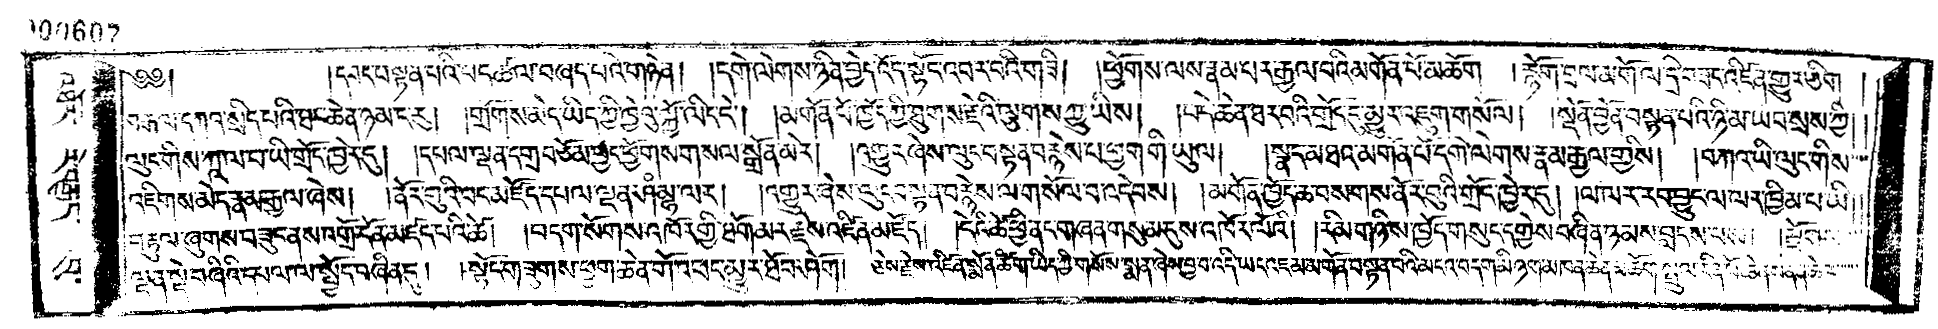༄༅། །དབང་བསྟན་པའི་པད་ཚལ་བཞད་པའི་གཉེན། །དགེ་ལེགས་ཉིན་བྱེད་འོད་སྟོང་འབར་བའི་གཟི། །ཕྱོགས་ལས་རྣམ་པར་རྒྱལ་བའི་མགོན་པོ་མཆོག །རྙོག་བྲལ་མགོ་ལ་དྲི་བཟང་འཛིན་གྱུར་ཅིག །
བརྒལ་དཀའ་སྲིད་པའི་ཐང་ཆེན་ཉམ་ང་རུ། །གྲོགས་མེད་ཡིད་ཀྱི་ཁྱེའུ་སྐྱོ་ལིང་ངེ། །མགོན་པོ་ཁྱོད་ཀྱི་ཐུགས་རྗེའི་ལྕགས་ཀྱུ་ཡིས། །བདེ་ཆེན་ཐར་བའི་གྲོང་དུ་མྱུར་འཇུག་གསོལ། །སྔོན་བྱོན་བསྟན་པའི་ཉི་མ་ཡབ་སྲས་ཀྱི། །
ལུང་གིས་ཀཱ་ལ་བ་ཡི་གྲོང་ཁྱེར་དུ། །དཔལ་ལྡན་དགྲ་བཅོམ་བྱང་ཕྱོགས་གསལ་སྒྲོན་མེར། །འགྱུར་ཞེས་ལུང་བསྟན་བརྙེས་པ་ཕྱག་གི་ཡུལ། །སྣང་མཐའ་མགོན་པོ་དགེ་ལེགས་རྣམ་རྒྱལ་གྱིས། །བཀའ་ཡི་ལུང་གིས་
འཇིགས་མེད་རྣམ་རྒྱལ་ཞེས། །ནོར་བུའི་བང་མཛོད་དཔལ་ལྡན་ཤམྷཾ་ལར། །འགྱུར་ཞེས་ལུང་བསྟན་བརྙེས་ལ་གསོལ་བ་འདེབས། །མགོན་ཁྱོད་ཆ་བསགས་ནོར་བུའི་གྲོང་ཁྱེར་དུ། །ལ་ལར་རབ་བྱུང་ལ་ལར་ཁྱིམ་པ་ཡི། །
བརྟུལ་ཞུགས་བཟུང་ནས་འགྲོ་དོན་མཛད་པའི་ཚེ། །བདག་སོགས་འཁོར་གྱི་ཐོག་མར་རྗེས་འཛིན་མཛོད། །དེའི་ཚེ་ཕྱི་ནང་གཞན་གསུམ་དུས་འཁོར་ལོའི། །རིམ་གཉིས་ཁྱོད་གསུང་དགྱེས་བཞིན་ཉམས་བླངས་པས། །རྫོགས་
ལྡན་སྡེ་བཞིའི་དཔལ་ལ་སྤྱོད་བཞིན་དུ། །སྟོང་གཟུགས་ཕྱག་ཆེན་གོ་འཕང་མྱུར་ཐོབ་ཤོག །ཅེས་རྗེས་འཛིན་སྨོན་ཚིག་ཡིད་ཀྱི་གསོས་སྨན་ཞེས་བྱ་བ་འདི་ཡང་འཇམ་མགོན་བསྟན་པའི་མངའ་བདག་མི་ཉག་མཁན་ཆེན་མཆོག་སྤྲུལ་རིན་པོ་ཆེ་ནས་ནན་ཆེར་